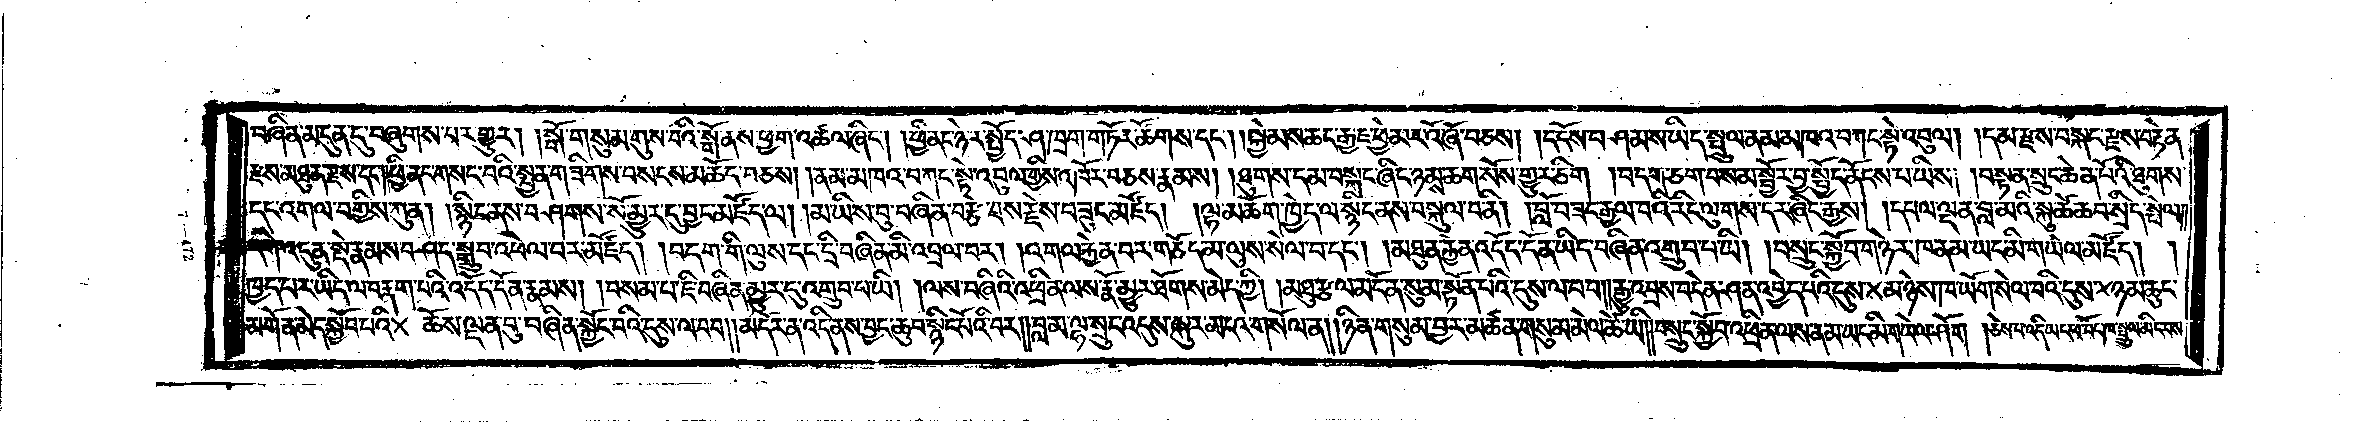བཞིན་མདུན་དུ་བཞུགས་པར་གྱུར། །སྒོ་གསུམ་གུས་པའི་སྒོ་ནས་ཕྱག་འཚལ་ཞིང་། །ཕྱི་ནང་ཉེར་སྤྱོད་ཤ་ཁྲག་གཏོར་ཚོགས་དང་། །སྐྱེམས་ཆང་རྒྱ་ཇ་ཕྱེ་མར་འོ་ཞོ་བཅས། །དངོས་བཤམས་ཡིད་སྤྲུལ་ནམ་མཁའ་བཀང་སྟེ་འབུལ། །དམ་རྫས་བསྐང་རྫས་བརྟེན་
རྫས་མཐུན་རྫས་དང་། །ཕྱི་ནང་གསང་བའི་སྤྱན་གཟིགས་བསངས་མཆོད་བཅས། །ནམ་མཁའ་བཀང་སྟེ་འབུལ་གྱིས་འཁོར་བཅས་རྣམས། །ཐུགས་དམ་བསྐང་ཞིང་ཉམས་ཆག་སོས་གྱུར་ཅིག །བདག་ཅག་བསམ་སྦྱོར་བྱ་སྤྱོད་ནོངས་པ་ཡིས། །བསྟན་སྲུང་ཆེན་པོའི་ཐུགས་
དང་འགལ་བགྱིས་ཀུན། །སྙིང་ནས་བཤགས་སོ་མྱུར་དུ་བྱང་མཛོད་ལ། །མ་ཡིས་བུ་བཞིན་བརྩེ་བྲས་རྗེས་བཟུང་མཛོད། །ལྷ་མཆོག་ཁྱེད་ལ་སྙིང་ནས་བསྐུལ་བ་ནི། །བློ་བཟང་རྒྱལ་བའི་རིང་ལུགས་དར་ཞིང་རྒྱས། །དཔལ་ལྡན་བླ་མའི་སྐུ་ཚེ་ཆབ་སྲིད་སྤེལ།།
དགེ་འདུན་སྡེ་རྣམས་བཤད་སྒྲུབ་འཕེལ་བར་མཛོད། །བདག་གི་ལུས་དང་དྲི་བཞིན་མི་འབྲལ་བར། །འགལ་རྐྱེ་ན་བར་གཅོད་མ་ལུས་སེལ་བ་དང་། །མཐུན་རྐྱེན་འདོད་དོན་ཡིད་བཞིན་འགྲུབ་པ་ཡི། །བསྲུང་སྐྱོབ་གཉེར་ཁ་ནམ་ཡང་མི་གཡེལ་མཛོད། །
ཁྱད་པར་ཡིད་ལ་བརྣག་པའི་འདོད་དོན་རྣམས། །བསམ་པ་ཇི་བཞིན་མྱུར་དུ་འགྲུབ་པ་ཡི། །ལས་བཞིའི་འཕྲིན་ལས་རྣོ་མྱུར་ཐོགས་མེད་ཀྱི། །མཐུ་རྩལ་མངོན་སུམ་སྟོན་པའི་དུས་ལ་བབ། །རྒྱུ་འབྲས་བདེན་ཤན་འབྱེད་པའི་དུས་྾་མ་ཉེས་ཁ་ཡོག་སེལ་བའི་དུས་྾་ཉམ་ཆུང་
མགོན་མེད་སྐྱོབ་པའི་྾་ཆོས་ལྡན་བུ་བཞིན་སྐྱོང་བའི་དུས་ལ་བབ། །མདོར་ན་འདི་ནས་བྱང་ཆུབ་སྙིང་པོའི་བར། །བླ་མ་ལྷ་སྲུང་འདུས་སྐུར་མངའ་གསོལ་ན། །ཉིན་གསུམ་བྱར་མཚན་གསུམ་མེལ་ཚེ་ཡི། །བསྲུང་སྐྱོབ་འཕྲིན་ལས་ནམ་ཡང་མི་གཡེལ་ཤོག །ཅེས་པ་འདི་ཡང་ཕ་བོང་ཁ་སྤྲུལ་མིང་བར་